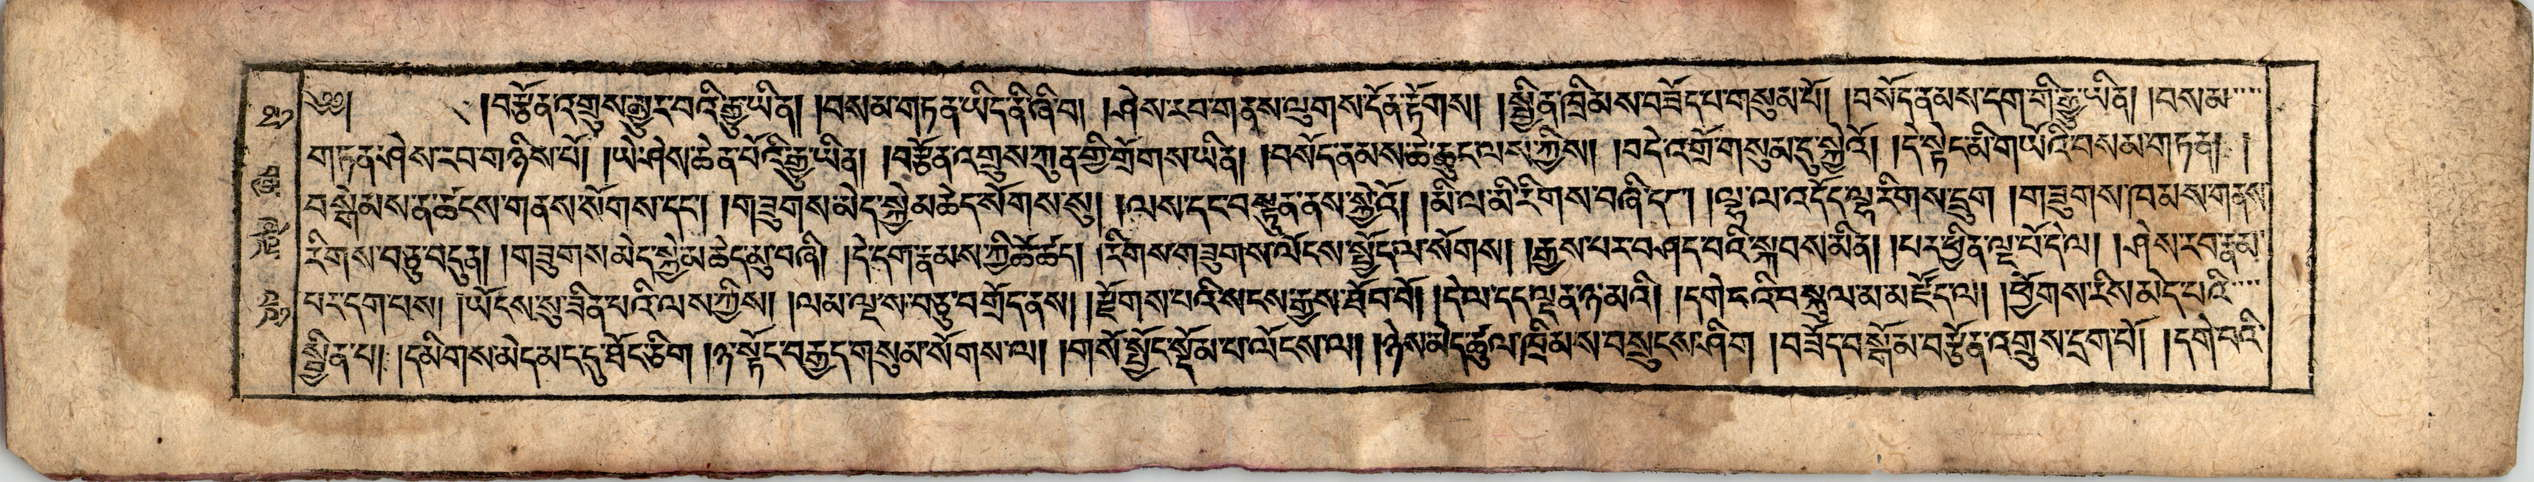བརྩོན་འགྲུས་མྱུར་བའི་རྒྱུ་ཡིན། །བསམ་གཏན་ཡིད་ནི་ཞི་བ། །ཤེས་རབ་གནས་ལུགས་དོན་རྟོགས། །སྦྱིན་ཁྲིམས་བཟོད་པ་གསུམ་པོ། །བསོད་ནམས་དག་གི་རྒྱུ་་ཡིན། །བསམ་
གཏན་ཤེས་རབ་གཉིས་པོ། །ཡེ་ཤེས་ཆེན་པོའི་རྒྱུ་ཡིན། །བརྩོན་འགྲུས་ཀུན་གྱི་གྲོགས་ཡིན། །བསོད་ནམས་ཆེ་ཆུང་ལས་ཀྱིས། །བདེ་འགྲོ་གསུམ་དུ་སྐྱེའོ། །དེ་སྟེང་མི་གཡོའི་བསམ་གཏན། །
བསྒོམས་ན་ཚངས་གནས་སོགས་དང་། །གཟུགས་མེད་སྐྱེ་མཆེད་སོགས་སུ། །ལས་དང་བསྟུན་ནས་སྐྱེ་འོ། །མི་ལ་མི་རིགས་བཞི་དང་། །ལྷ་ལ་འདོད་ལྷ་རིགས་དྲུག །གཟུགས་ཁམས་གནས་
རིགས་བཅུ་བདུན། །གཟུགས་མེད་སྐྱེ་མཆེད་མུ་བཞི། །དེ་དག་རྣམས་ཀྱི་ཚེ་ཚད། །རིགས་གཟུགས་ལོངས་སྤྱོད་ལ་སོགས། །རྒྱས་པར་བཤད་པའི་སྐབས་མིན། །ཕར་ཕྱིན་ལྔ་པོ་དེ་ལ། །ཤེས་རབ་རྣམ་
པར་དག་པས། །ཡོངས་སུ་ཟིན་པའི་ལས་ཀྱིས། །ལམ་ལྔ་ས་བཅུ་བགྲོད་ནས། །རྫོགས་པའི་སངས་རྒྱས་ཐོབ་བོ། །དེ་ལ་དད་ལྡན་ཉ་མའི། །དགེ་བའི་བསྐུལ་མ་མཛོད་ལ། །ཕྱོགས་རིས་མེད་པའི་
སྦྱིན་པ། །དམིགས་མེད་མང་དུ་ཐོང་ཅིག །ཉ་སྟོང་བརྒྱད་གསུམ་སོགས་ལ། །གསོ་སྤྱོང་སྡོམ་པ་ལོངས་ལ། །ཉེས་མེད་ཚུལ་ཁྲིམས་བསྲུངས་ཤིག །བཟོད་བསྒོམ་བརྩོན་འགྲུས་དྲག་པོ། །དགེ་བའི་